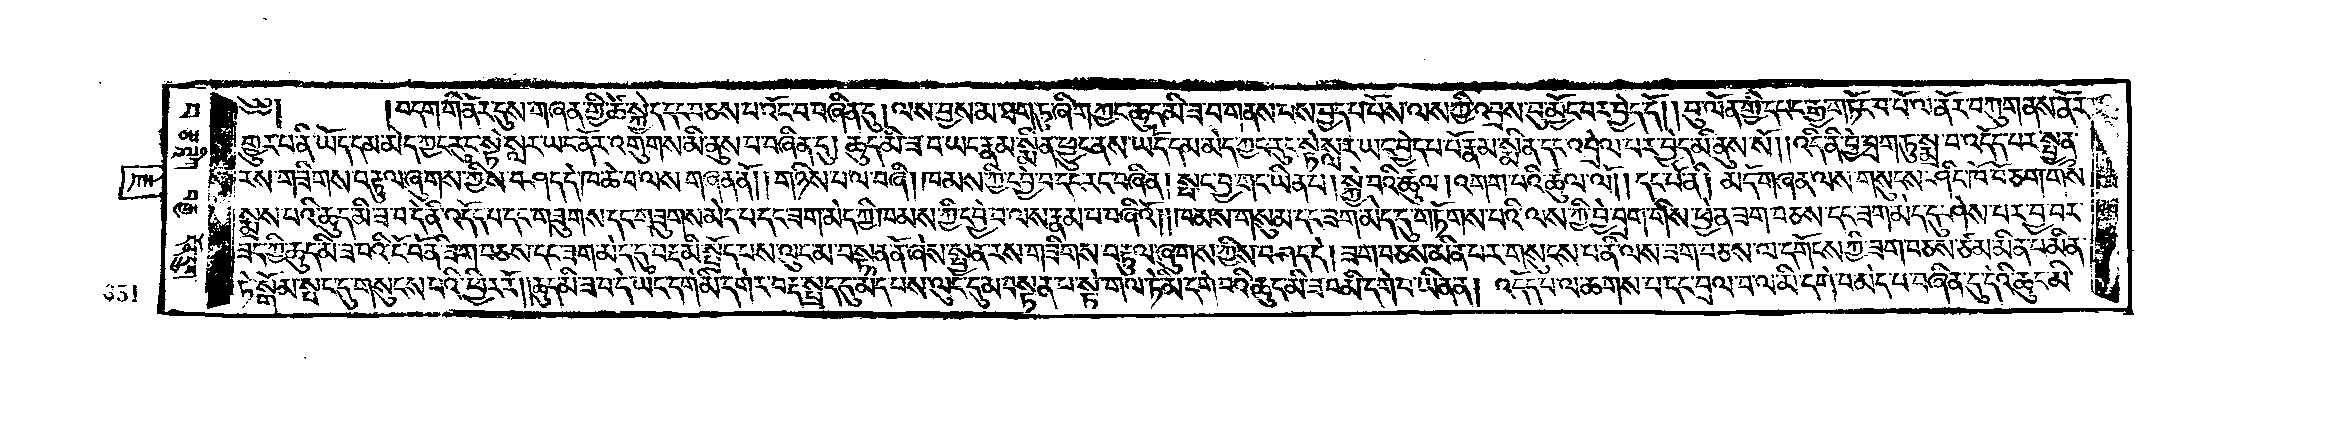༄༅། །བདག་གི་ནོར་དུས་གཞན་གྱི་ཚེ་སྐྱེད་དང་བཅས་པ་འོང་བ་བཞིན་དུ། ལས་བྱས་མ་ཐག་ཏུ་ཞིག་ཀྱང་ཆུད་མི་ཟ་བ་གནས་པས་བྱད་པ་པོས་ལས་ཀྱི་འབྲས་བུ་མྱོང་བར་བྱེད་དོ། །བུ་ལོན་གྱི་དཔང་རྒྱ་གཏོང་བ་པོ་ལ་ནོར་བཀུག་ནས་ནོར་
གྱུར་པ་ནི་ཡོད་དམ་མེད་ཀྱང་རུང་སྟེ་སླར་ཡང་ནོར་འགུགས་མི་ནུས་པ་བཞིན་དུ། ཆུད་མི་ཟབ་ཡང་རྣམ་སྨིན་ཕྱུང་ནམ་ཡང་དམ་མེད་ཀྱང་རུང་སྟེ་སླར་ཡང་བྱེད་པ་པོ་རྣམ་སྨིན་དང་འབྲེལ་པར་བྱེད་མི་ནུས་སོ། །འདི་ནི་བྱེ་བྲག་ཏུ་སྨྲ་བ་འདོད་པར་སྤྱན་
རས་གཟིགས་བརྟུལ་ཞུགས་ཀྱིས་བཤད་དེ་ཁ་ཆེ་བ་ལས་གཞན་ནོ། །གཉིས་པ་ལ་བཞི། ཁམས་ཀྱི་དབྱེ་བ་དང་རང་བཞིན། སྤང་བྱ་གང་ཡིན་པ། སྐྱེ་བའི་ཚུལ། འགག་པའི་ཚུལ་ལོ། །དང་པོ་ནི། མདོ་གཞན་ལས་གསུངས་ཤིང་ཁོ་བོ་ཅག་གིས་
སྨྲས་པའི་ཆུད་མི་ཟ་བ་དེ་ནི་འདོད་པ་དང་གཟུགས་དང་གཟུགས་མེད་པ་དང་ཟག་མེད་ཀྱི་ཁམས་ཀྱི་དབྱེ་བ་ལས་རྣམ་པ་བཞིའོ། །ཁམས་གསུམ་དང་ཟག་མེད་དུ་གཏོགས་པའི་ལས་ཀྱི་བྱེ་བྲག་གིས་ཕྱེ་ན་ཟག་བཅས་དང་ཟག་མེད་དུ་ཤེས་པར་བྱ་བར་
ཟད་ཀྱི་ཆུད་མི་ཟ་བའི་ངོ་བོ་ནི་ཟག་བཅས་དང་ཟག་མེད་དུ་བརྡ་མི་སྤྲོད་པས་ལུང་མ་བསྟན་ནོ་ཞེས་སྤྱན་རས་གཟིགས་བརྟུལ་ཞུགས་ཀྱིས་བཤད་དེ། ཟག་བཅས་མིན་པར་གསུངས་པ་ནི་ལས་ཟག་བཅས་ལ་དགོངས་ཀྱི་ཟག་བཅས་ཙམ་མིན་པ་མིན་
ཏེ་སྒོམ་སྤང་དུ་གསུངས་པའི་ཕྱིར་རོ། །ཆུད་མི་ཟ་བ་དེ་ཡང་དགེ་མི་དགེར་བརྡ་སྤྲད་དུ་མེད་པས་ལུང་དུ་མ་བསྟན་པ་སྟེ་གལ་ཏེ་མི་དགེ་བའི་ཆུད་མི་ཟ་བ་མི་དགེ་བ་ཡིན་ན། འདོད་པ་ལ་ཆགས་པ་དང་བྲལ་བ་ལ་མི་དགེ་བ་མེད་པ་བཞིན་དུ་དེའི་ཆུད་མི་